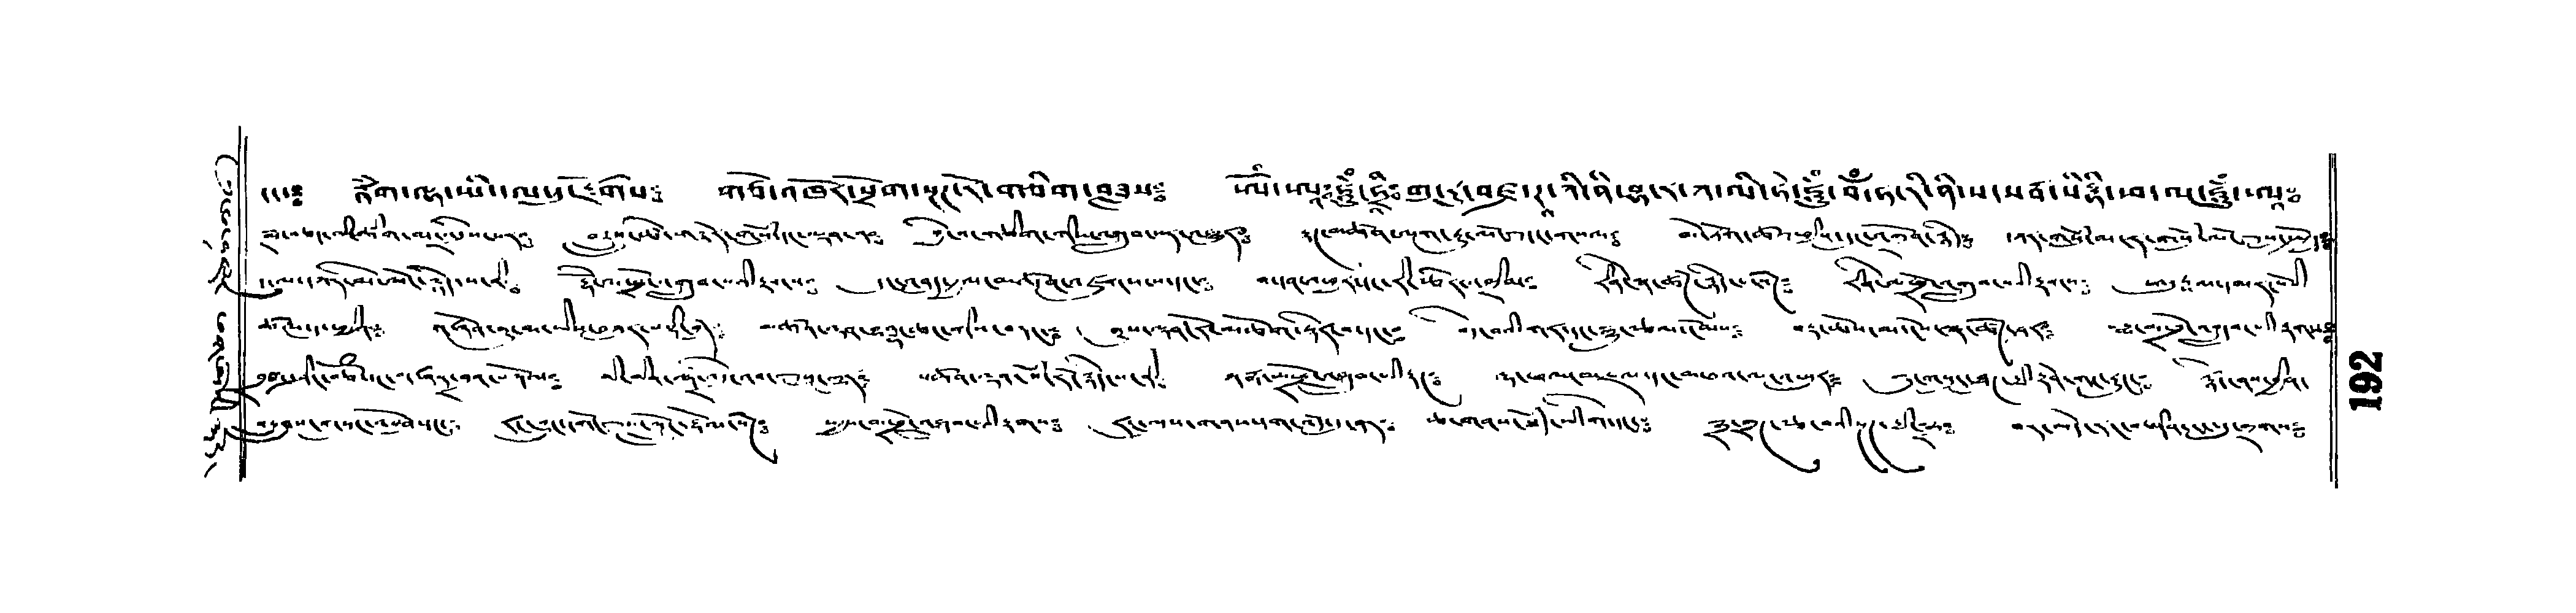ངང༔ རྣམ་དག་ལྷ་ཡི་དལ་དུ་རྫོགས༔ གཙོ་འཁོར་སྲོག་སྔགས་རོ་གཅིག་བཟླས༔ ཨོཾ་ཨཱཿཧཱུྃ་ཧྲཱིཿགུ་རུ་བཛྲ་ཌཱ་ཀི་ནི་བྷ་ར་ཀ་ལི་ཧེ་ཧཱུྃ་བྃ་ཧ་རི་ནི་ས་སརྦ་སིདྡྷི་ཕ་ལ་ཧཱུྃ་ཨཱཿ 
སྨྲ་བཅད་མི་ཚིག་མ་འདྲེས་པར༔ བཟླ་ཆེ་གཟེར་གསུམ་དང་ལྡན་ན༔ བྱེ་བ་གཅིག་གིས་འགྲུབ་པར་འགྱུར༔ རྟགས་མཚན་ལག་ཏུ་ལོངས་དང་གསལ༔ མེ་ཏོག་ཚལ་ཕྱིན་དུང་འགྲོན་རྙེད༔ དཀར་གསུམ་མངར་གསུམ་ལོངས་སུ་སྤྱོད༔ 
དངུལ་དཀར་མེ་ལོང་སྙེད་པ་ནི༔ རྡོ་རྗེ་མཁའ་འགྲོ་འགྲུབ་པའི་རྟགས༔ དུང་འབུད་རྒྱལ་མཚན་འཛུགས་པ་དང༔ བ་དན་འཕྱར་དང་རི་རྩེར་འགྲིམ༔ རིན་ཆེན་སྣ་ཚོགས་རྙེད་པ་སོགས༔ རིན་ཆེན་མཁའ་འགྲོ་འགྲུབ་པའི་རྟགས༔ ཨུཏྤལ་དམར་པོའི་
ཚལ་དུ་ཕྱིན༔ གཞོན་ནུ་མ་ཡིས་བཀུར་བསྟི་བྱེད༔ མཚན་ལྡན་བྷནྡྷ་ཆང་གིས་བཀང༔ ནུས་ལྡན་རོ་མཆོག་སྟེར་བ་དང༔ བདེ་བའི་གར་དང་སྒྱུ་རྩལ་ངོམས༔ བརྡ་ཆོས་མ་ངེས་སྣ་ཚོགས་ཤར༔ པདྨ་མཁའ་འགྲོ་འགྲུབ་པའི་རྟགས༔ 
བྲག་ཤིང་བཅོམ་དང་གཞན་བྲན་བཀོལ༔ མི་མིན་ལྷ་འདྲེ་འབངས་སུ་གྱུར༔ མཚན་ལྡན་བམ་རོ་རྙེད་པ་ནི༔ ཀརྨ་མཁའ་འགྲོ་འགྲུབ་པའི་རྟགས༔ ལྷ་ཞལ་མཇལ་དུ་མཁའ་ལ་འཕུར༔ སྐུ་གསུང་ཐུགས་ཀྱི་རྟེན་གང་རུང༔ རྙེད་ནས་བྱིན་
བརླབས་གསུང་འབྱོན་དང༔ རང་བྱུང་དགོངས་པ་ཀློང་རྡོལ་སོགས༔ སངས་རྒྱས་མཁའ་འགྲོ་འགྲུབ་པའི་རྟགས༔ རང་ལུས་གནས་དག་འོད་དུ་ཤར༔ རྩ་གནས་ཐམས་ཅད་ཡི་གེ་དང༔ སྒྲ་གྲགས་རྩ་བའི་སྔགས་ཀྱི་སྒྲ༔ བར་མེད་རང་བཞིན་ངང་དུ་གྲགས༔